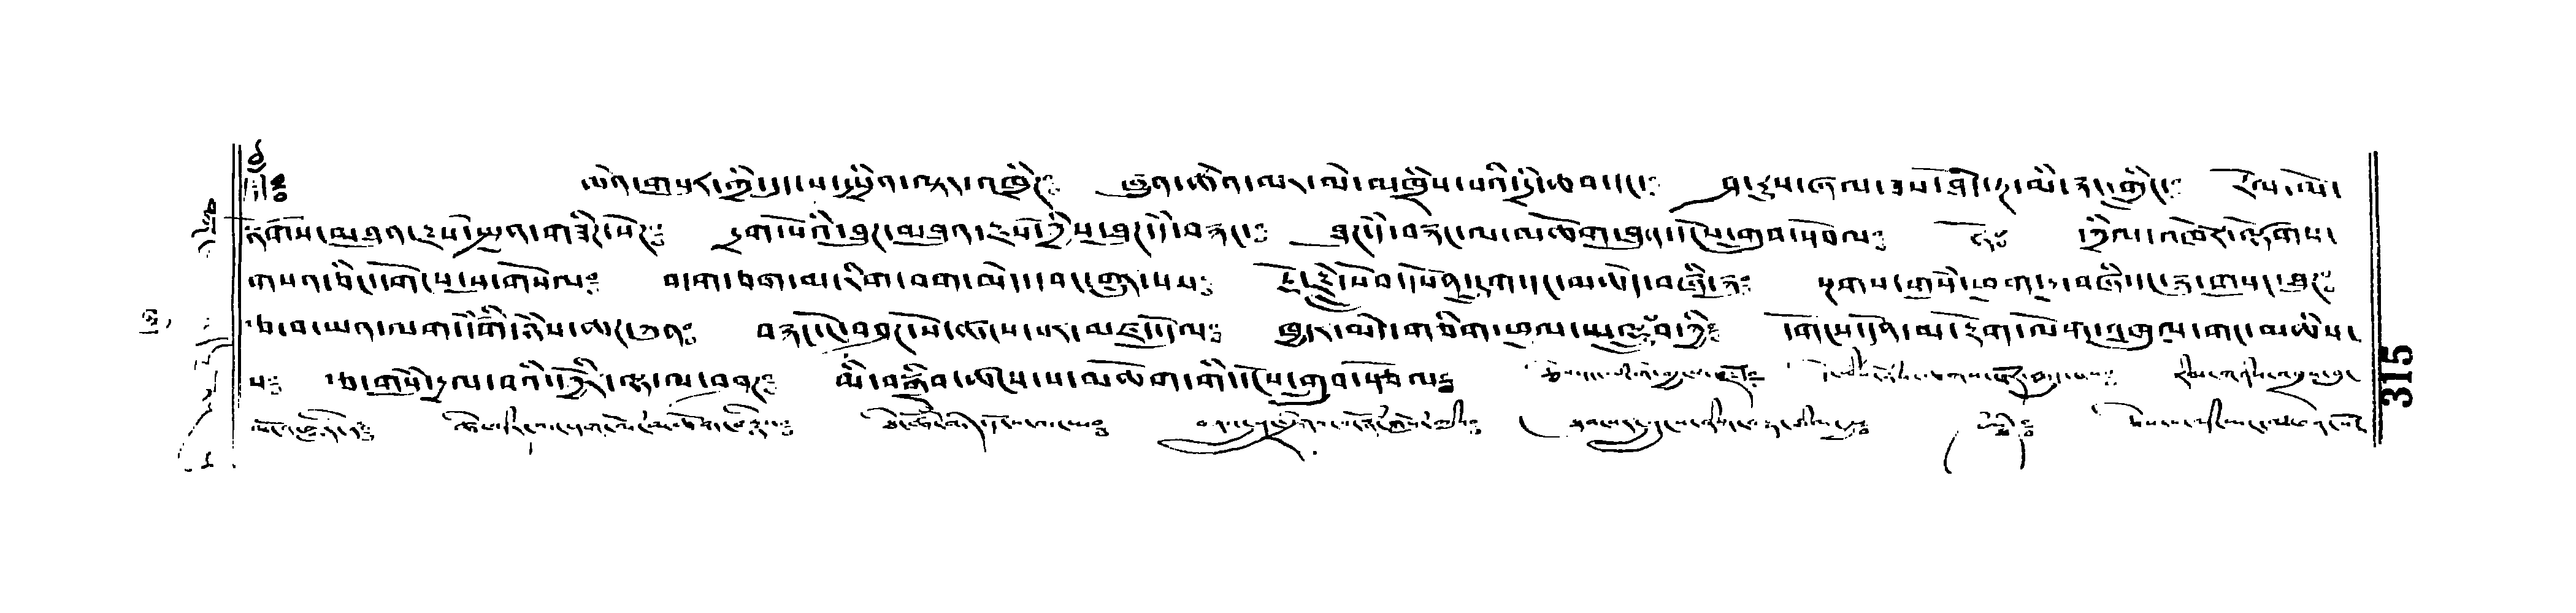ཆེན་གསུར་གྱི་དུད་པ་སྤྲིན་ལྟར་འཁྲིགས༔ ཞུན་ཆེན་མར་མེ་མཁྲིས་པའི་དྲི་ཆབ་དང༔ ཤ་རུས་ཞལ་ཟས་ཐོད་རྔ་མི་རྐང་གླིང༔ རོལ་མོ་
སྣ་ཚོགས་མཐུན་རྫས་སྤྱན་གཟིགས་སོགསཿ དྲག་པོའི་ཐུགས་མཐུན་རྫས་ཀྱིས་ཐུགས་དམ་བསྐང༔ ཐུགས་དམ་བསྐངས་ལ་མཆོག་ཐུན་དངོས་གྲུབ་སྩོལ༔ ཧོཿ དཀྱིལ་འཁོར་ལྷ་ཚོགས་
གསན་ཅིང་དགོངས་སུ་གསོལ༔ བདག་ཅག་མ་རིག་བག་མེད་དབང་གྱུར་པས༔ རྡོ་རྗེ་སློབ་དཔོན་དྲུག་དང་མཆེད་བཞི་སྐུ༔ སྔགས་གསུམ་ཕྱག་རྒྱ་བཞི་དང་སྐུ་གསུང་ཐུགས༔ 
རྩ་བ་ཡན་ལག་དམ་ཚིག་ཉམས་ཆགས་ཀུན༔ བསྐང་ངོ་བཤགས་སོ་ཚངས་པར་མཛད་དུ་གསོལ༔ ཁྱད་པར་མེད་གཅིག་ཕྱལ་པ་ལྷུན་གྲུབ་ཀྱི༔ དགོངས་དོན་མ་རྟོགས་ལོག་འཁྲུལ་གང་མཆིས་
པཿ རྩ་གསུམ་རྒྱལ་བའི་དཀྱིལ་འཁོར་ལྷ་ལ་བཤགས༔ མི་སྒྲིབ་ཚངས་པ་མཆོག་གི་དངོས་གྲུབ་སྩོལ༔ ཅེས་དང་ཡི་གེ་བརྒྱ་པ་བརྗོད༔ དེ་ཡིས་ཉམས་ཆག་སོར་ཆུད་ནས༔ རིམ་གཉིས་འབྲས་བུ་
མངོན་གྱུར་ཏེ༔ ཚེ་འདིར་ཡང་དག་ལམ་མཆོག་བརྙེསཿ ཐེ་ཚོམ་མེད་དོ་ས་མ་ཡ༔ བཀའ་སྲུང་དྲེགས་པ་རྣམ་གསུམ་གྱིས༔ ཐུབ་པར་སྲུངས་ཞིག་བརྡ་ཐིམ་རྒྱ༔ ༔ ཅེས་པ་འདི་ཡང་མཁན་པོ